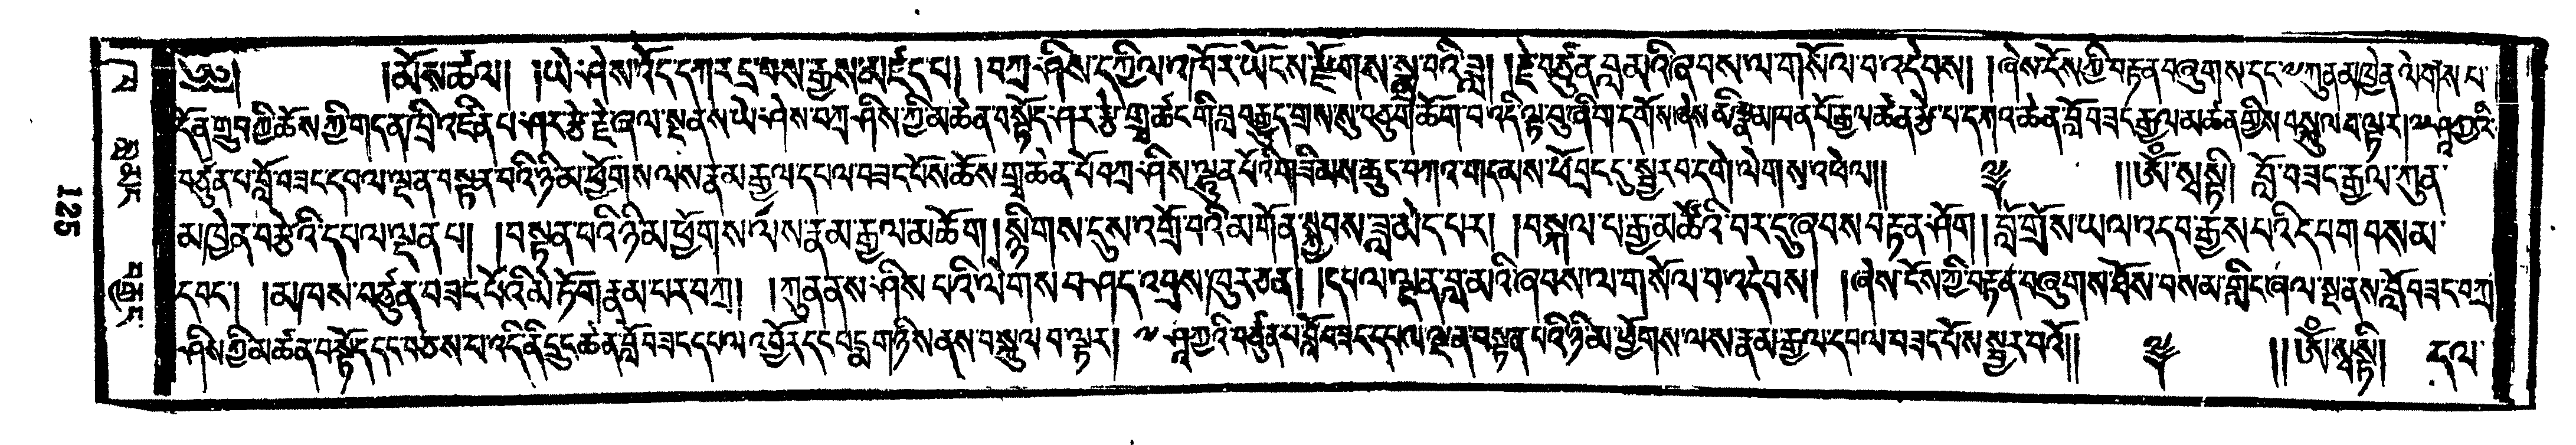༄༅། །མོས་ཚལ། །ཡེ་ཤེས་འོད་དཀར་དྲ་བས་རྒྱས་མཛད་པ། །བཀྲ་ཤིས་དཀྱིལ་འཁོར་ཡོངས་རྫོགས་སྨྲ་བའི་ཟླ། །རྗེ་བཙུན་བླ་མའི་ཞབས་ལ་གསོལ་བ་འདེབས། །ཞེས་ངོས་ཀྱི་བརྩན་བཞུགས་དང་༧་ཀུན་མཁྱེན་ལེགས་པ་
དོན་གྲུབ་ཀྱི་ཆོས་ཀྱི་གདན་ཁྲི་འཛིན་པ་ཤར་རྩེ་རྗེ་ཞལ་སྔ་ནས་ཡེ་ཤེས་བཀྲ་ཤིས་ཀྱི་མཚན་བསྟོད་ཤར་རྩེ་གྲྭ་ཚང་གི་བླ་བརྒྱུད་གྲས་སུ་བཅུག་ཆོག་བ་འདི་ལྟ་བུ་ཞིག་དགོས་ཞེས་མི་སྣ་མཁན་པོ་རྒྱལ་ཆེན་རྩེ་པ་དཀའ་ཆེན་བློ་བཟང་རྒྱལ་མཚན་གྱིས་བསྐུལ་བ་ལྟར། ༧་ཤཱཀྱའི་
བཙུན་པ་བློ་བཟང་དཔལ་ལྡན་བསྟན་པའི་ཉི་མ་ཕྱོགས་ལས་རྣམ་རྒྱལ་དཔལ་བཟང་པོས་ཆོས་གྲྭ་ཆེན་པོ་བཀྲ་ཤིས་ལྷུན་པོའི་གཟིམས་ཆུང་བཀའ་གདམས་ཕོ་བྲང་དུ་སྦྱར་བ་དགེ་ལེགས་འཕེལ།། ༈ །།ཨོཾ་སྭསྟི། བློ་བཟང་རྒྱལ་ཀུན་
མཁྱེན་བརྩེའི་དཔལ་ལྡན་པ། །བསྟན་པའི་ཉི་མ་ཕྱོགས་ལས་རྣམ་རྒྱལ་མཆོག །སྙིགས་དུས་འགྲོ་བའི་མགོན་སྐྱབས་ཟླ་མེད་པར། །བསྐལ་པ་རྒྱ་མཚོའི་བར་དུ་ཞབས་བརྟན་ཤོག །བློ་གྲོས་ཡལ་འདབ་རྒྱས་པའི་དཔག་བསམ་
དབང་། །མཁས་བཙུན་བཟང་པོའི་མེ་ཏོག་རྣམ་པར་བཀྲ། །ཀུན་ནས་ཤིས་པའི་ལེགས་བཤད་འབྲས་ཁུར་ཅན། །དཔལ་ལྡན་བླ་མའི་ཞབས་ལ་གསོལ་བ་འདེབས། །ཞེས་ངོས་ཀྱི་བརྟན་བཞུགས་ཐོས་བསམ་གླིང་ཞལ་སྔ་ནས་བློ་བཟང་བཀྲ་
ཤིས་ཀྱི་མཚན་བསྟོད་དང་བཅས་པ་འདི་ནི་དྲུང་ཆེན་བློ་བཟང་དཔལ་འབྱོར་དང་པདམ་གཉིས་ནས་བསྐུལ་བ་ལྟར། ༧་ཤཱཀྱའི་བཙུན་པ་བློ་བཟང་དཔལ་ལྡན་བསྟན་པའི་ཉི་མ་ཕྱོགས་ལས་རྣམ་རྒྱལ་དཔལ་བཟང་པོས་སྦྱར་བའོ།། ༈ །།ཨོཾ་སྭསྟི། དལ་